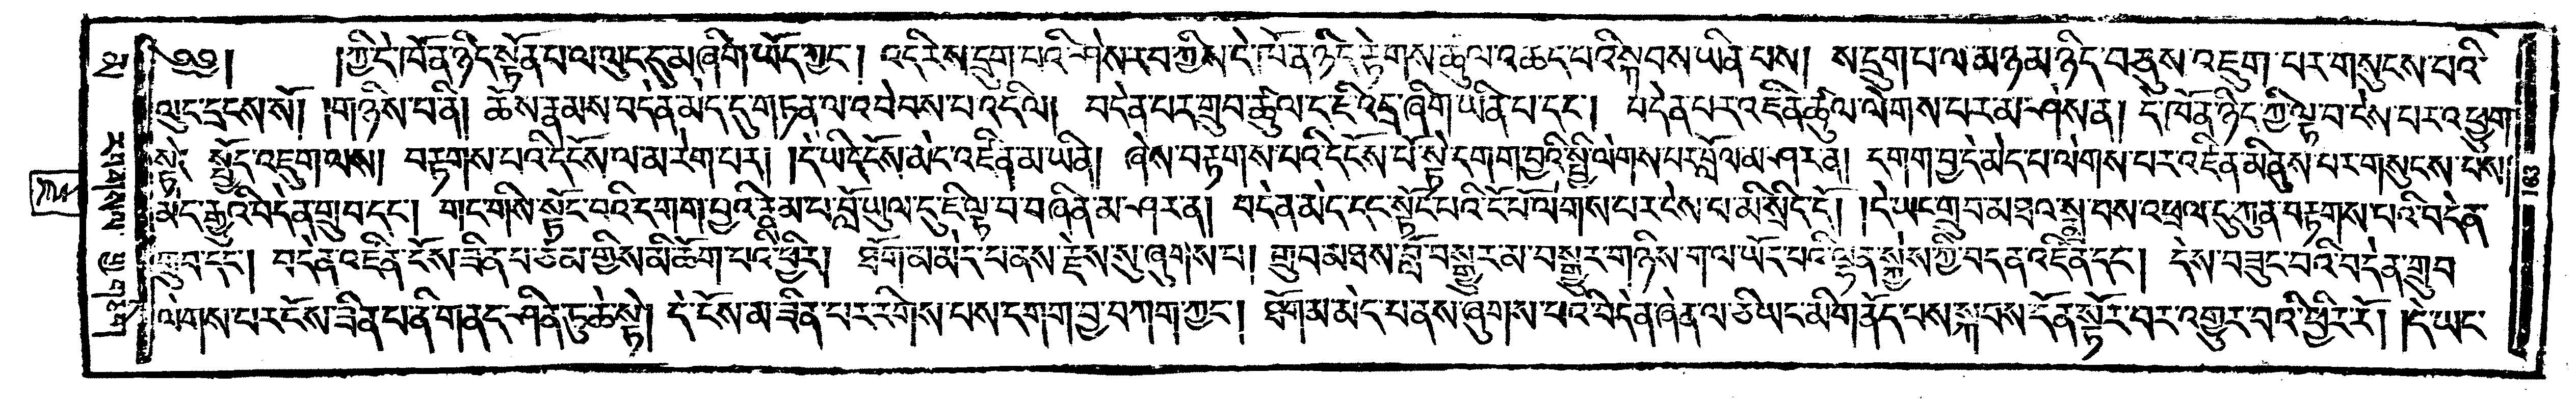༄༅། །ཀྱི་དེ་ཁོ་ན་ཉིད་སྟོན་པ་ལ་ལུང་དུ་མ་ཞིག་ཡོད་ཀྱང་། འདིར་ས་དྲུག་པའི་ཤེས་རབ་ཀྱིས་དེ་ཁོ་ན་ཉིད་རྟོགས་ཚུལ་འཆད་པའི་སྐབས་ཡིན་པས། ས་དྲུག་པ་ལ་མཉམ་ཉིད་བཅུས་འཇུག་པར་གསུངས་པའི་
ལུང་དྲངས་སོ། །གཉིས་པ་ནི། ཆོས་རྣམས་བདེན་མེད་དུ་གཏན་ལ་འབེབས་པ་འདི་ལ། བདེན་པར་གྲུབ་ཚུལ་དེ་ཇི་འདྲ་ཞིག་ཡིན་པ་དང་། བདེན་པར་འཛིན་ཚུལ་ལེགས་པར་མ་ཤེས་ན། དེ་ཁོ་ན་ཉིད་ཀྱི་ལྟ་བ་ངེས་པར་འཕྱུག་
སྟེ༑ སྤྱོད་འཇུག་ལས། བརྟགས་པའི་དངོས་ལ་མ་རེག་པར། །དེ་ཡི་དངོས་མེད་འཛིན་མ་ཡིན། ཞེས་བརྟགས་པའི་དངོས་པོ་སྟེ་དགག་བྱའི་སྤྱི་ལེགས་པར་བློ་ལ་མ་ཤར་ན། དགག་བྱ་དེ་མེད་པ་ལེགས་པར་འཛིན་མི་ནུས་པར་གསུངས་པས།
མེད་རྒྱུའི་བདེན་གྲུབ་དང་། གང་གིས་སྟོང་པའི་དགག་བྱའི་རྣམ་པ་བློ་ཡུལ་དུ་ཇི་ལྟ་བ་བཞིན་མ་ཤར་ན། བདེན་མེད་དང་སྟོང་པའི་ངོ་བོ་ལེགས་པར་ངེས་པ་མི་སྲིད་དོ། །དེ་ཡང་གྲུབ་མཐའ་སྨྲ་བས་འཕྲལ་དུ་ཀུན་བརྟགས་པའི་བདེན་
གྲུབ་དང་། བདེན་འཛིན་ངོས་ཟིན་པ་ཙམ་གྱིས་མི་ཆོག་པའི་ཕྱིར། ཐོག་མ་མེད་པ་ནས་རྗེས་སུ་ཞུགས་པ། གྲུབ་མཐས་བློ་བསྒྱུར་མ་བསྒྱུར་གཉིས་ག་ལ་ཡོད་པའི་ལྷན་སྐྱེས་ཀྱི་བདེན་འཛིན་དང་། དེས་བཟུང་བའི་བདེན་གྲུབ་
ལེགས་པར་ངོས་ཟིན་པ་ནི་གནད་ཤིན་ཏུ་ཆེ་སྟེ། དེ་ངོས་མ་ཟིན་པར་རིགས་པས་དགག་བྱ་བཀག་ཀྱང་། ཐོག་མ་མེད་པ་ནས་ཞུགས་པའི་བདེན་ཞེན་ལ་ཅི་ཡང་མི་གནོད་པས་སྐབས་དོན་སྟོར་བར་འགྱུར་བའི་ཕྱིར་རོ། །དེ་ཡང་